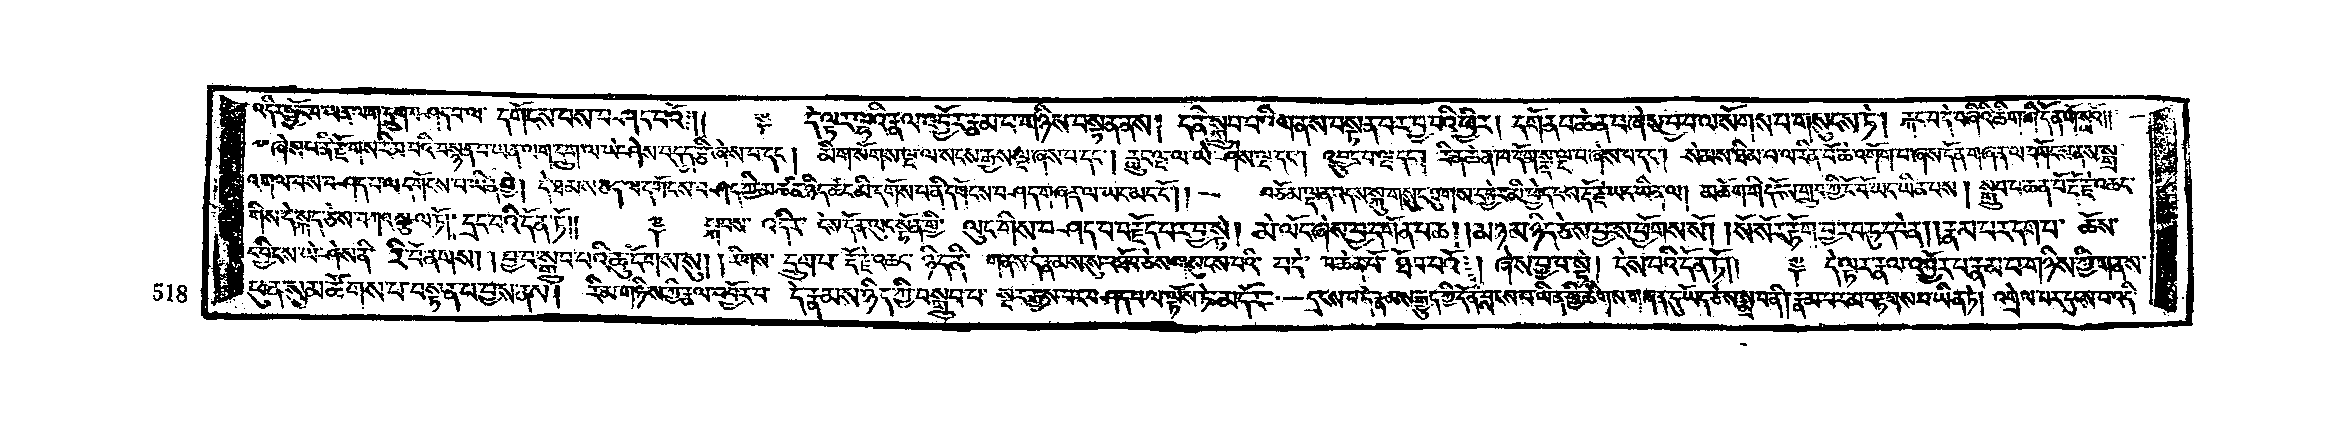འདིར་སྦྱོར་བ་ཡན་ལག་དྲུག་བཤད་པ་ལ་དགོངས་པས་བཤད་པའོ།། ༈ དེ་ལྟར་ལྷའི་རྣལ་འབྱོར་རྣམ་པ་གཉིས་བསྟན་ནས། ད་ནི་སྒྲུབ་པའི་གནས་བསྟན་པར་བྱ་བའི་ཕྱིར། དགོན་པ་ཆེན་ཕ་ཞེས་བྱ་བ་ལ་སོགས་པ་གསུངས་ཏེ། རྐང་པ་དེ་བཞིའི་ཚིག་གི་དོན་གོ་སླའོ།།
༧ཞེས་པ་ནི་རྫོགས་རིམ་པའི་བསྙནྤ་ཡན་ལག་དྲུག་ལ་ཡེ་ཤེས་བདུད་རྩི་ཞེས་པ་དང་། མིག་སོགས་ལྔ་ལ་སངས་རྒྱས་ལྔ་ཞེས་པ་དང་། རླུང་ལྔ་ལ་ཡེ་ཤེས་ལྔ་དང་། འབྱུང་བ་ལྔ་དང་། རིན་ཆེན་ཁ་དོག་སྣ་ལྔ་བ་ཞེས་པ་དང་། སེམས་ཐིམ་པ་ལ་རིན་པོ་ཆེ་འགོག་པ་ཞེས་དོན་གཞན་ལ་དགོངས་ནས་སྒྲ་
འགལ་བས་བཤད་པ་ལ་དགོངས་པ་ཡིན་གྱི། དེ་ཐམས་ཅད་ལ་དགོངས་བཤད་ཀྱི་མཚན་ཉིད་ཚང་མི་དགོས་པ་ནི་དགོངས་བཤད་གཞན་ལ་ཡང་མང་ངོ།། བཅོམ་ལྡན་འདས་སྐུ་གསུང་ཐུགས་དབྱེར་མི་ཕྱེད་བས་རྡོ་རྗེ་ཡང་ཡིན་ལ། མཆོག་གི་དངོས་གྲུབ་ཀྱི་ངོ་བོ་ཡང་ཡིན་པས། སྒྲུབ་པ་ཆེན་པོ་རྡོ་རྗེ་འཆང་
གིས་དེ་སྐད་ཅེས་བཀའ་སྩལ་ཏོ།། དྲང་བའི་དོན་ཏོ།། ༈ སྐབས་འདིར་ངེས་དོན་ལུང་སྟོན་གྱི་ལུང་གིས་བཤད་པ་བརྗོད་པར་བྱ་སྟེ། མེ་ལོང་ཞེས་བྱ་དགོན་པ་ཆེ། །མཉམ་ཉིད་ཅེས་བྱ་ས་ཕྱོགས་སོ། །སོ་སོར་རྟོག་བྱ་རབ་ཏུ་དབེན། །རྣམ་པར་དག་པ་ཆོས་
དབྱིངས་ཡེ་ཤེས་ནི་རི་བོ་ནགས། །བྱ་བ་སྒྲུབ་པའི་ཆུ་དོགས་སུ། །རིགས་དྲུག་པ་རྡོ་རྗེ་འཆང་ཉིད་ནི་གནས་དེ་རྣམས་སུ་འཐོབ་ཅེས་གསུངས་པའི་བདེ་བ་ཆེན་པོ་ཐོབ་པའོ། ཞེས་བྱ་བ་ལ་སྟེ། ངེས་པའི་དོན་ཏོ།། ༈ དེ་ལྟར་རྣལ་འབྱོར་པ་རྣམ་པ་གཉིས་ཀྱི་གནས་
ཕུན་སུམ་ཚོགས་པ་བསྟན་པ་བྱས་ནས། རིམ་གཉིས་ཀྱི་རྣལ་འབྱོར་པ་དེ་རྣམས་ཉིད་ཀྱི་བསྒྲུབ་པ་སྔར་རྒྱས་པར་བཤད་པ་ལ་ལྟོས་ཏེ་མདོར་དྲངས་བ་དེ་རྣམས་རྒྱུད་ཀྱི་དོན་བླངས་པ་ཡིན་གྱི་ཚིགས་གཞན་དུ་ཡོད་ཅེས་སྨྲ་བ་ནི། རྣམ་པར་མ་བརྟགས་པ་ཡིན་ཏེ། འགྲེལ་པར་དྲངས་པ་འདི་